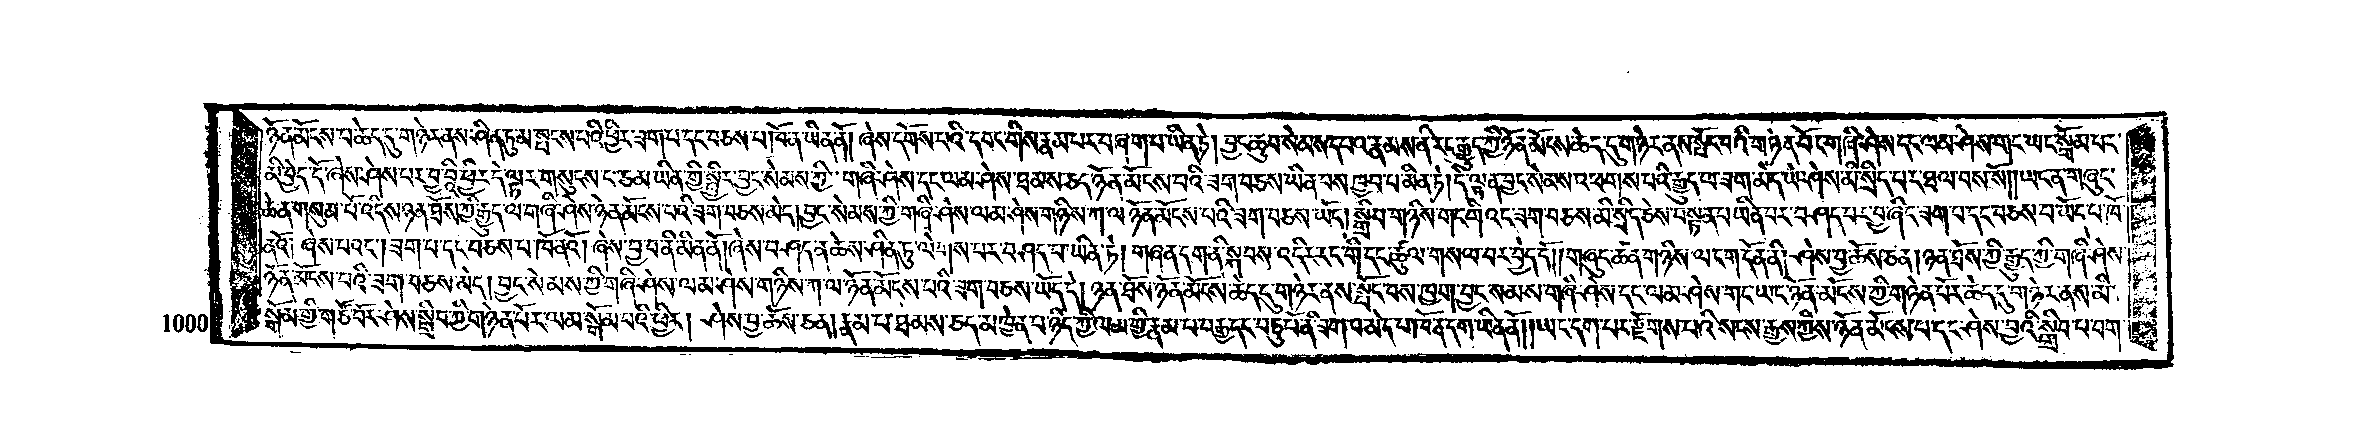ཉོན་མོངས་པ་ཆེད་དུ་གཉེར་ནས་ཤིན་ཏུ་མ་སྤངས་པའི་ཕྱིར་ཟག་པ་དང་བཅས་པ་ཁོ་ན་ཡིན་ནོ། ཞེས་དགོས་པའི་དབང་གིས་རྣམ་པར་བཞག་པ་ཡིན་ཏེ། བྱང་ཆུབ་སེམས་དཔའ་རྣམས་ནི་རང་རྒྱུད་ཀྱི་ཉོན་མོངས་ཆེད་དུ་གཉེར་ནས་སྤོང་བའི་གཉེན་པོར་གཞི་ཤེས་དང་ལམ་ཤེས་གང་ཡང་སྒོམ་པར་
མི་བྱེད་དོ་ཞེས་ཤེས་པར་བྱ་བའི་ཕྱིར་དེ་ལྟར་གསུངས་པ་ཙམ་ཡིན་གྱི་སྤྱིར་བྱང་སེམས་ཀྱི་གཞི་ཤེས་དང་ལམ་ཤེས་ཐམས་ཅད་ཉོན་མོངས་པའི་ཟག་བཅས་ཡིན་པས་ཁྱབ་པ་མིན་ཏེ། དེ་ལྟ་ན་བྱང་སེམས་འཕགས་པའི་རྒྱུད་ལ་ཟག་མེད་ཡེ་ཤེས་མི་སྲིད་པར་ཐལ་བས་སོ། །ཡང་ན་གཞུང་
ཆེན་གསུམ་པོ་འདིས་ཉན་ཐོས་ཀྱི་རྒྱུད་ལ་གཞི་ཤེས་ཉོན་མོངས་པའི་ཟག་བཅས་མེད། བྱང་སེམས་ཀྱི་གཞི་ཤེས་ལམ་ཤེས་གཉིས་ཀ་ལ་ཉོན་མོངས་པའི་ཟག་བཅས་ཡོད། སྒྲིབ་གཉིས་གང་གི་འང་ཟག་བཅས་མི་སྲིད་ཅེས་བསྟན་པ་ཡིན་པར་བཤད་པར་བྱ་ཞིང་ཟག་པ་དང་བཅས་པ་ཡོད་པ་ཁོ་
ནའོ༑ ཞེས་པའང་། ཟག་པ་དང་བཅས་པ་ཁོ་ནའོ། ཞེས་བྱ་བ་ནི་མིན་ནོ། །ཞེས་བཤད་ན་ཆེས་ཤིན་ཏུ་ལེགས་པར་བཤད་པ་ཡིན་ཏེ། གཞན་དག་ནི་སྐབས་འདིར་རང་གི་ངང་ཚུལ་གསལ་བར་བྱེད་དོ། །གཞུང་ཚན་གཉིས་ལ་ངག་དོན་ནི། ཤེས་བྱ་ཆོས་ཅན། ཉན་ཐོས་ཀྱི་རྒྱུད་ཀྱི་གཞི་ཤེས་
ཉོན་མོངས་པའི་ཟག་བཅས་མེད། བྱང་སེམས་ཀྱི་གཞི་ཤེས་ལམ་ཤེས་གཉིས་ཀ་ལ་ཉོན་མོངས་པའི་ཟག་བཅས་ཡོད་དེ། ཉན་ཐོས་ཉོན་མོངས་ཆེད་དུ་གཉེར་ནས་སྤོང་པས་ཁྱབ། བྱང་སེམས་གཞི་ཤེས་དང་ལམ་ཤེས་གང་ཡང་ཉོན་མོངས་ཀྱི་གཉེན་པོར་ཆེད་དུ་གཉེར་ནས་མི་
སྒོམ་གྱི་གཙོ་བོར་ཤེས་སྒྲིབ་ཀྱི་གཉེན་པོར་ལམ་སྒོམ་པའི་ཕྱིར། ཤེས་བྱ་ཆོས་ཅན། རྣམ་པ་ཐམས་ཅད་མཁྱེན་པ་ཉིད་ཀྱི་ལམ་གྱི་རྣམ་པ་བརྒྱ་དང་བཅུ་པོ་ནི་ཟག་པ་མེད་པ་ཁོ་ན་དག་ཡིན་ནོ། །ཡང་དག་པར་རྫོགས་པའི་སངས་རྒྱས་ཀྱིས་ཉོན་མོངས་པ་དང་ཤེས་བྱའི་སྒྲིབ་པ་བ་